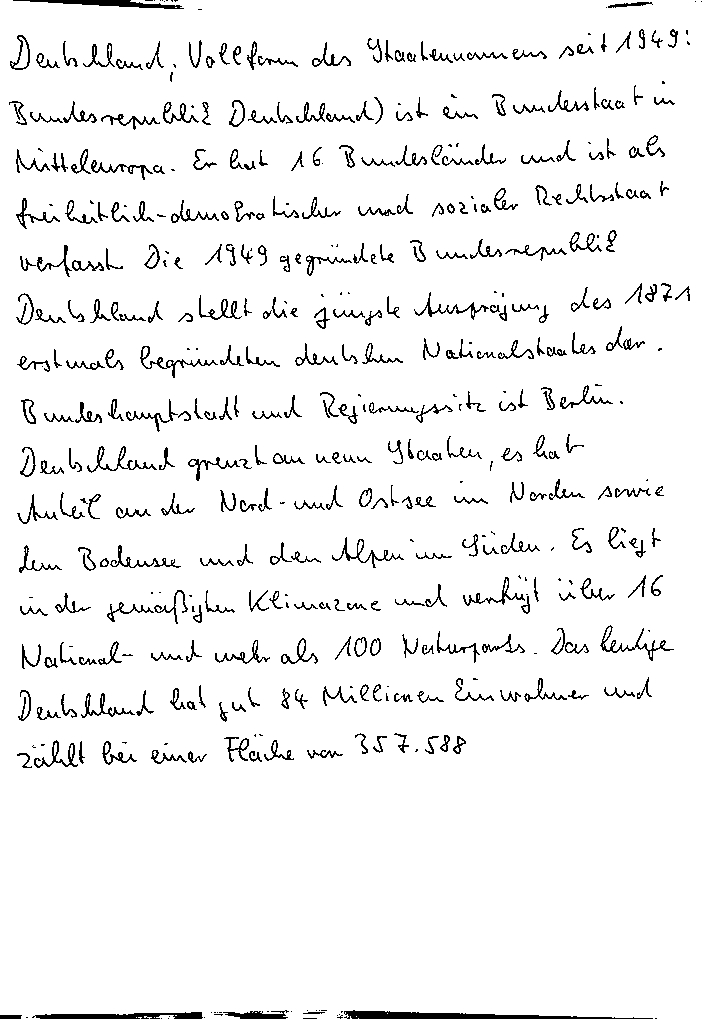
Deutschland Vollform des Staatennamens seit 1949:
Bundesrepublik Deutschland) ist ein Bundesstaat in
Mitteleuropa. Er hat 16 Bundesländer und ist als
freiheitlich-demokratischer und sozialer Rechtsstaat
verfasst. Die 1949 gegründete Bundesrepublik
Deutschland stellt die jüngste Ausprägung des 1871
erstmals begründeten deutschen Nationalstaates dar.
Bundeshauptstadt und Regierungssitz ist Berlin.
Deutschland grenzt an neun Staaten, es hat
Anteil an der Nord- und Ostsee im Norden sowie
dem Bodensee und den Alpen im Süden. Es liegt
in der gemäßigten Klimazone und verfügt über 16
National- und mehr als 100 Naturparks. Das heutige
Deutschland hat gut 84 Millionen Einwohner und
zählt bei einer Fläche von 357.588
